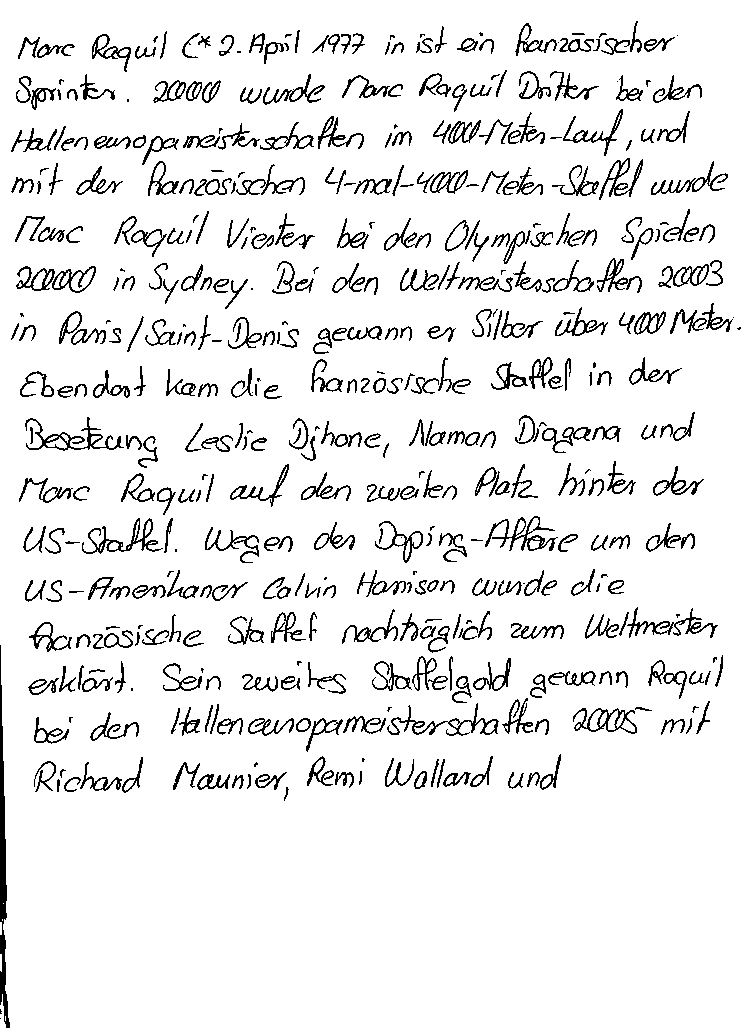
Marc Raquil (* 2. April 1977 in ist ein französischer
Sprinter. 2000 wurde Marc Raquil Dritter bei den
Halleneuropameisterschaften im 400-Meter-Lauf, und
mit der französischen 4-mal-400-Meter-Staffel wurde
Marc Raquil Vierter bei den Olympischen Spielen
2000 in Sydney. Bei den Weltmeisterschaften 2003
in Paris/Saint-Denis gewann er Silber über 400 Meter.
Ebendort kam die französische Staffel in der
Besetzung Leslie Djhone, Naman Diagana und
Marc Raquil auf den zweiten Platz hinter der
US-Staffel. Wegen der Doping-Affäre um den
US-Amerikaner Calvin Harrison wurde die
französische Staffel nachträglich zum Weltmeister
erklärt. Sein zweites Staffelgold gewann Raquil
bei den Halleneuropameisterschaften 2005 mit
Richard Maunier, Remi Wallard und
